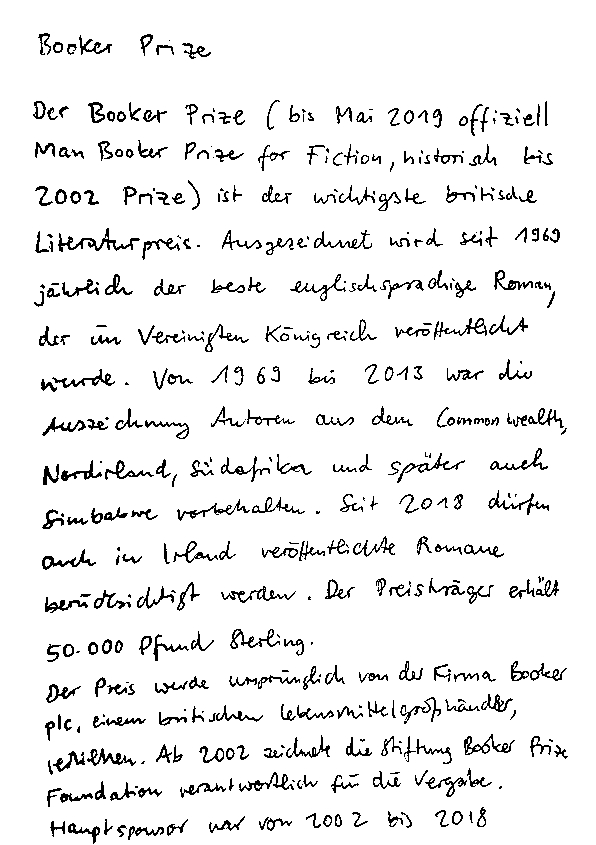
Booker Prize
Der Booker Prize (bis Mai 2019 offiziell
Man Booker Prize for Fiction, historisch bis
2002 Prize) ist der wichtigste britische
Literaturpreis. Ausgezeichnet wird seit 1969
jährlich der beste englischsprachige Roman,
der im Vereinigten Königreich veröffentlicht
wurde. Von 1969 bis 2013 war die
Auszeichnung Autoren aus dem Commonwealth,
Nordirland, Südafrika und später auch
Simbabwe vorbehalten. Seit 2018 dürfen
auch in Irland veröffentlichte Romane
berücksichtigt werden. Der Preisträger erhält
50.000 Pfund Sterling.
Der Preis wurde ursprünglich von der Firma Booker
plc, einem britischen Lebensmittelgroßhändler,
verliehen. Ab 2002 zeichnete die Stiftung Booker Prize
Foundation verantwortlich für die Vergabe.
Hauptsponsor war von 2002 bis 2018
